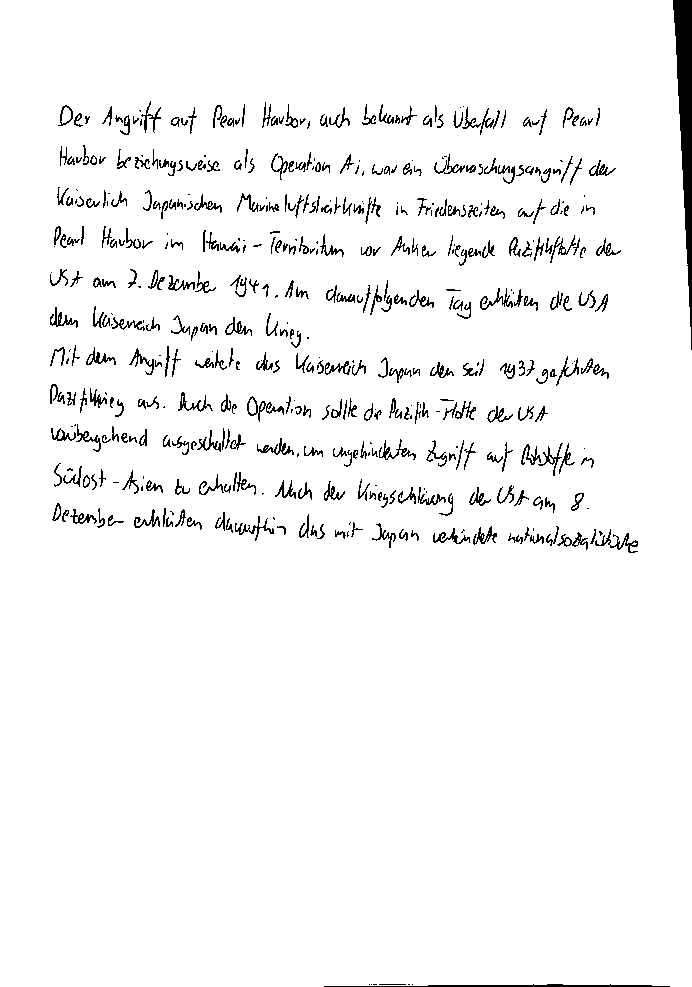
Der Angriff auf Pearl Harbor, auch bekannt als Überfall auf Pearl
Harbor beziehungsweise als Operation Ai, war ein Überraschungsangriff der
Kaiserlich Japanischen Marineluftstreitkräfte in Friedenszeiten auf die in
Pearl Harbor im Hawaii-Territorium vor Anker liegende Pazifikflotte der
USA am 7. Dezember 1941. Am darauffolgenden Tag erklärten die USA
dem Kaiserreich Japan den Krieg.
Mit dem Angriff weitete das Kaiserreich Japan den seit 1937 geführten
Pazifikkrieg aus. Durch die Operation sollte die Pazifik-Flotte der USA
vorübergehend ausgeschaltet werden, um ungehinderten Zugriff auf Rohstoffe in
Südost-Asien zu erhalten. Nach der Kriegserklärung der USA am 8
Dezember erklärten daraufhin das mit Japan verbündete nationalsozialistische
